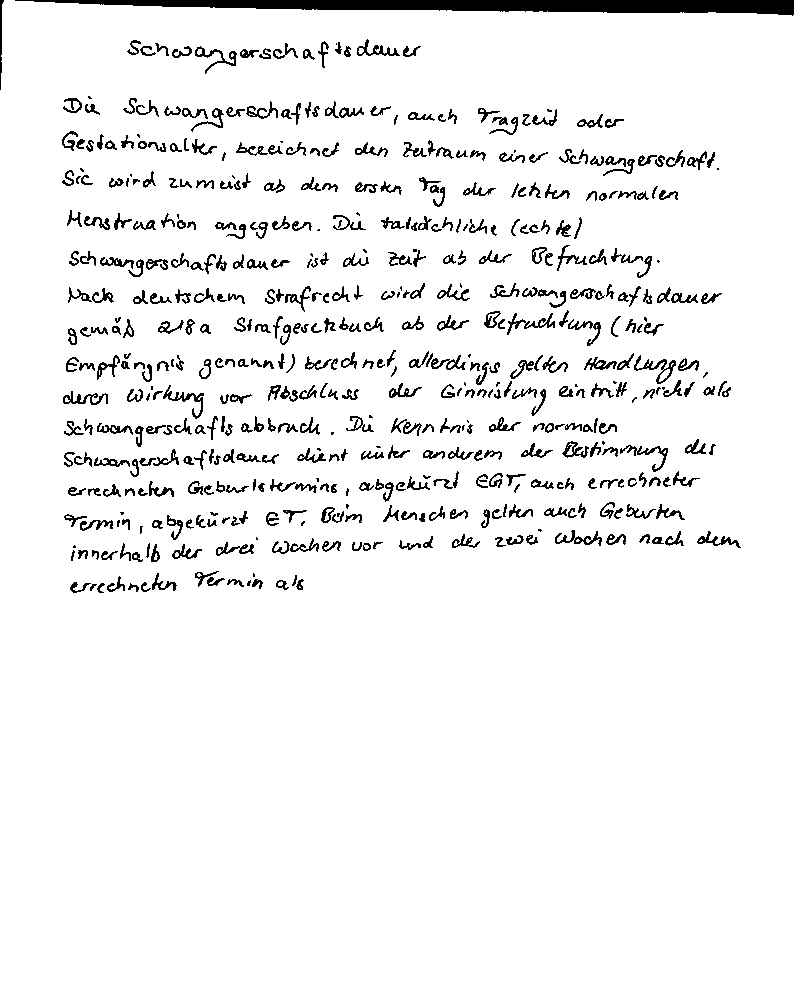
Schwangerschaftsdauer
Die Schwangerschaftsdauer, auch Tragzeit oder
Gestationsalter, bezeichnet den Zeitraum einer Schwangerschaft.
Sie wird zumeist ab dem ersten Tag der letzten normalen
Menstruation angegeben. Die tatsächliche (echte)
Schwangerschaftsdauer ist die Zeit ab der Befruchtung.
Nach deutschem Strafrecht wird die Schwangerschaftsdauer
gemäß 218a Strafgesetzbuch ab der Befruchtung (hier
Empfängnis genannt) berechnet, allerdings gelten Handlungen,
deren Wirkung vor Abschluss der Einnistung eintritt, nicht als
Schwangerschaftsabbruch. Die Kenntnis der normalen
Schwangerschaftsdauer dient unter anderem der Bestimmung des
errechneten Geburtstermins, abgekürzt EGT, auch errechneter
Termin, abgekürzt ET. Beim Menschen gelten auch Geburten
innerhalb der drei Wochen vor und der zwei Wochen nach dem
errechneten Termin als
